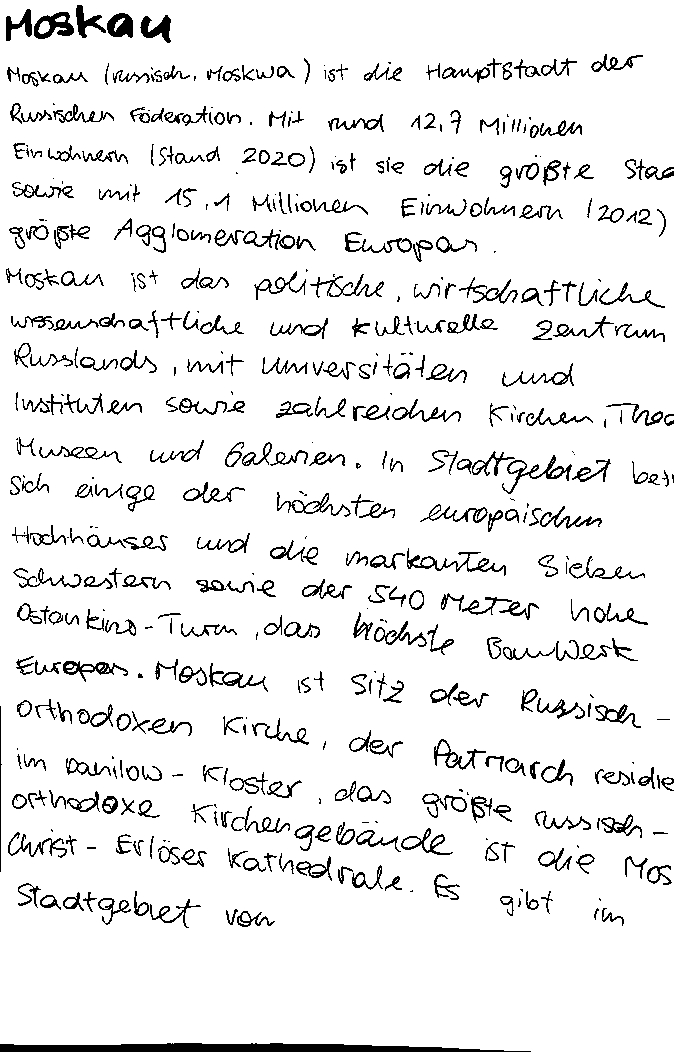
Moskau
Moskau (russisch Moskwa) ist die Hauptstadt der
Russischen Föderation. Mit rund 12,7 Millionen
Einwohnern (Stand 2020) ist sie die größte Stadt
sowie mit 15,1 Millionen Einwohnern (2012)
größte Agglomeration Europas.
Moskau ist das politische, wirtschaftliche,
wissenschaftliche und kulturelle Zentrum
Russlands, mit Universitäten und
Instituten sowie zahlreichen Kirchen,
Museen und Galerien. Im Stadtgebiet
sich einige der höchsten europäischen
Hochhäuser und die markanten Sieben
Schwestern sowie der 540 Meter hohe
Ostankino-Turm, das höchste Bauwerk
Europas. Moskau ist Sitz der Russisch-
Orthodoxen Kirche, der Patriarch
im Danilow-Kloster, das größte russisch-
orthodoxe Kirchengebäude ist die
Christ-Erlöser- Kathedrale. Es gibt
Stadtgebiet von
